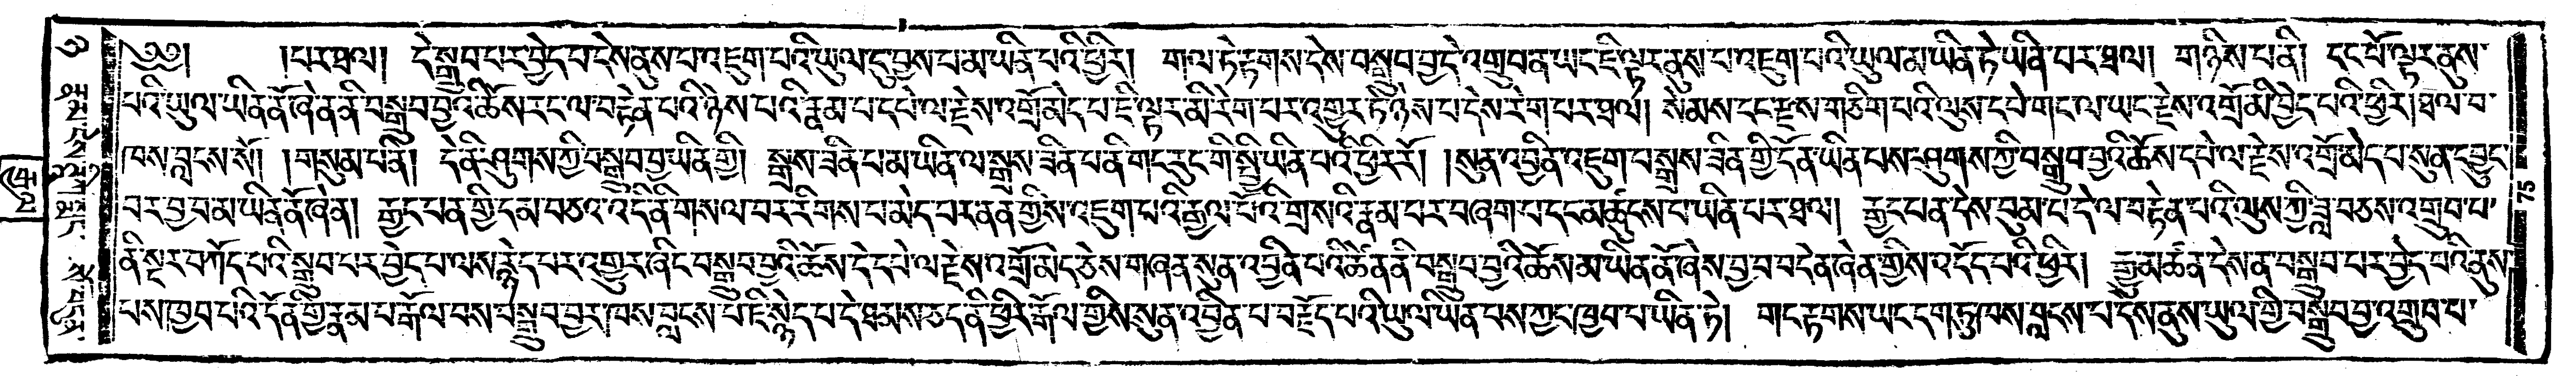༄༅། །པར་ཐལ། དེ་སྒྲུབ་པར་བྱེད་པ་དེས་ནུས་པ་འཇུག་པའི་ཡུལ་དུ་བྱས་པ་མ་ཡིན་པའི་ཕྱིར། གལ་ཏེ་རྟགས་དེས་བསྒྲུབ་བྱ་དེ་འགྲུབ་ན་ཡང་ཇི་ལྟར་ནུས་པ་འཇུག་པའི་ཡུལ་མ་ཡིན་ཏེ་ཡིན་པར་ཐལ། གཉིས་པ་ནི། དང་པོ་ལྟར་ནུས་
པའི་ཡུལ་ཡིན་ནོ་ཞེ་ན་ནི་བསྒྲུབ་བྱའི་ཆོས་རང་ལ་བརྟེན་པའི་ཉེས་པའི་རྣམ་པ་དཔེ་ལ་རྗེས་འགྲོ་མེད་པ་ཇི་ལྟར་མི་རེག་པར་འགྱུར་ཏེ་ཉེས་པ་དེས་རེག་པར་ཐལ། སེམས་དང་རྫས་གཅིག་པའི་ལུས་དཔེ་གང་ལ་ཡང་རྗེས་འགྲོ་མི་བྱེད་པའི་ཕྱིར། ཐལ་བ་
ཁས་བླངས་སོ། །གསུམ་པ་ནི། དེ་ནི་ཤུགས་ཀྱི་བསྒྲུབ་བྱ་ཡིན་གྱི། སྒྲས་ཟིན་པ་མ་ཡིན་ལ་སྒྲས་ཟིན་པ་ནི་གང་རུང་གི་སྦྱི་ཡིན་པའི་ཕྱིར་རོ། །སུན་འབྱིན་འཇུག་པ་སྒྲས་ཟིན་གྱི་དོན་ཡིན་པས་ཤུགས་ཀྱི་བསྒྲུབ་བྱའི་ཆོས་དཔེ་ལ་རྗེས་འགྲོ་མེད་པ་སུན་དབྱུང་
བར་བྱ་བ་མ་ཡིན་ནོ་ཞེ་ན། རྒྱང་པན་གྱི་དམ་བཅའ་འདི་ནི་གསལ་བར་རིགས་པ་མེད་པར་ནན་གྱིས་འཇུག་པའི་རྒྱལ་པོའི་གྲ་སའི་རྣམ་པར་བཞག་པ་དང་མཚུངས་པ་ཡིན་པར་ཐལ། རྒྱང་པ་ན་དེས་བུམ་པ་དེ་ལ་བརྟེན་པའི་ལུས་ཀྱི་ཟླ་བཅས་འགྲུབ་པ་
ནི་སྔར་བཀོད་པའི་སྒྲུབ་པར་བྱེད་པ་ལས་རྙེད་པར་འགྱུར་ཞིང་བསྒྲུབ་བྱའི་ཆོས་དེ་དཔེ་ལ་རྗེས་འགྲོ་མེད་ཅེས་གཞན་སུན་འབྱིན་པའི་ཚེ་ན་ནི་བསྒྲུབ་བྱའི་ཆོས་མ་ཡིན་ནོ་ཞེས་བྱ་བ་བདེན་ཞེན་གྱིས་འདོད་པའི་ཕྱིར། རྒྱུ་མཚན་དེས་ན་བསྒྲུབ་པར་བྱེད་པའི་ནུས་
པས་ཁྱབ་པའི་དོན་གྱི་རྣམ་པ་རྒོལ་བས་བསྒྲུབ་བྱར་ཁས་བླངས་པ་ཇི་སྙེད་པ་དེ་ཐམས་ཅད་ནི་ཕྱིར་རྒོལ་གྱིས་སུན་འབྱིན་པ་བརྗོད་པའི་ཡུལ་ཡིན་པས་ཀྱང་ཁྱབ་པ་ཡིན་ཏེ། གང་རྟགས་ཡང་དག་ཏུ་ཁས་བླངས་པ་དེས་ནུས་ཡུལ་གྱི་བསྒྲུབ་བྱ་འགྲུབ་པ་